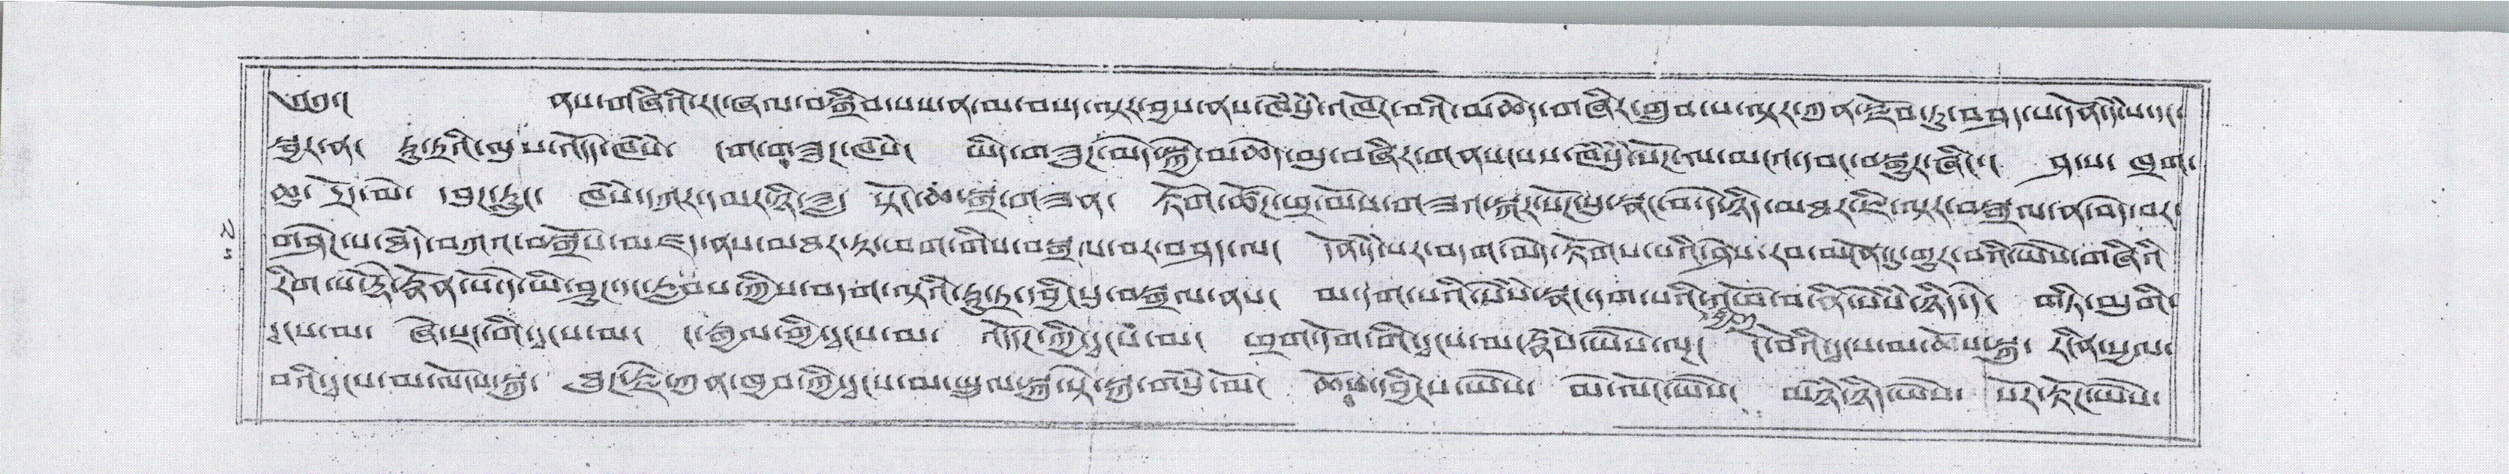ནས་གཞིའི་རང་ཞལ་བསྒྲིབས་པས་ན་མ་བསད་ལྟར་བྱས་ནས་ཁམས་གསུམ་འཁོར་བའི་མཆེད་བཞིར་གྲུབ་པ་ལྟར་ཀུན་རྫོབ་ཏུ་བཤད་པ་དོན་དམ་པ་དང་
སྦྱར་ན། རུ་ཏྲའི་ལུས་འདོད་ཁམས། ངག་གཟུགས་ཁམས། ཡིད་གཟུགས་མེད་སྐྱེ་མཆེད་མུ་བཞིར་གནས་པས་ཁམས་གསུམ་སོགས་ལ་མངའ་དབང་བསྒྱུར་ཞིང་། ཤ་ས། ཁྲག་
ཆུ། དྲོད་མེ། དབུགས་རླུང་། ཁམས་དཀར་དམར་ཉི་ཟླ། སྟོང་ཆ་སྒྲ་གཅན། རྟོག་ཚོགས་ཕྲ་མོ་གཟའ་སྐར་སོགས་སུ་སྣང་བ་དེ་ཉིད་མཐར་ཇི་ལྟར་བསྒྲལ་ན་བདེ་བར་
གཤེགས་པ་ཐམས་ཅད་བཀའ་བགྲོས་མཛད་ནས་མཐར་རྟ་ཕག་གིས་བསྒྲལ་བར་བཤད་ལ། དོན་དམ་པར་བདག་མེད་རྟོགས་པའི་ཤེས་རབ་མངོན་དུ་གྱུར་པའི་ཡེ་ཤེས་གཞིའི་
རིག་པ་རྡོ་རྗེ་རྣོན་པོ་དེ་ཡི་ཤུགས་དང་རླབས་ཀྱིས་བདག་ལྟའི་རུ་ཏྲ་དབྱིངས་སུ་བསྒྲལ་ནས། མ་དག་པའི་སེམས་སྣང་དག་པའི་དབྱིངས་སུ་འཕོ་བ་ནི་སེམས་ཉིད་དེ། གཏི་མུག་གི་
དྭངས་མ། ཞེ་སྡང་གི་དྭངས་མ། ང་རྒྱལ་གྱི་དྭངས་མ། འདོད་ཆགས་ཀྱི་དྭངས་མ། ཕྲག་དོག་གི་དྭངས་མ་རྣམས་ཡེ་ཤེས་ལྔ། ངོ་བོའི་དྭངས་མ་ཆོས་སྐུ། རང་བཞིན་གསལ་
བའི་དྭངས་མ་ལོངས་སྐུ། ཐུགས་རྗེ་ཀུན་ཁྱབ་ཀྱི་དྭངས་མ་སྤྲུལ་སྐུ་སྟེ་སྐུ་གསུམ་མོ། ཆོས་དབྱིངས་ཡེ་ཤེས། མེ་ལོང་ཡེ་ཤེས་མཉམ་ཉིད་ཡེ་ཤེས་སོར་རྟོགས་ཡེ་ཤེས་